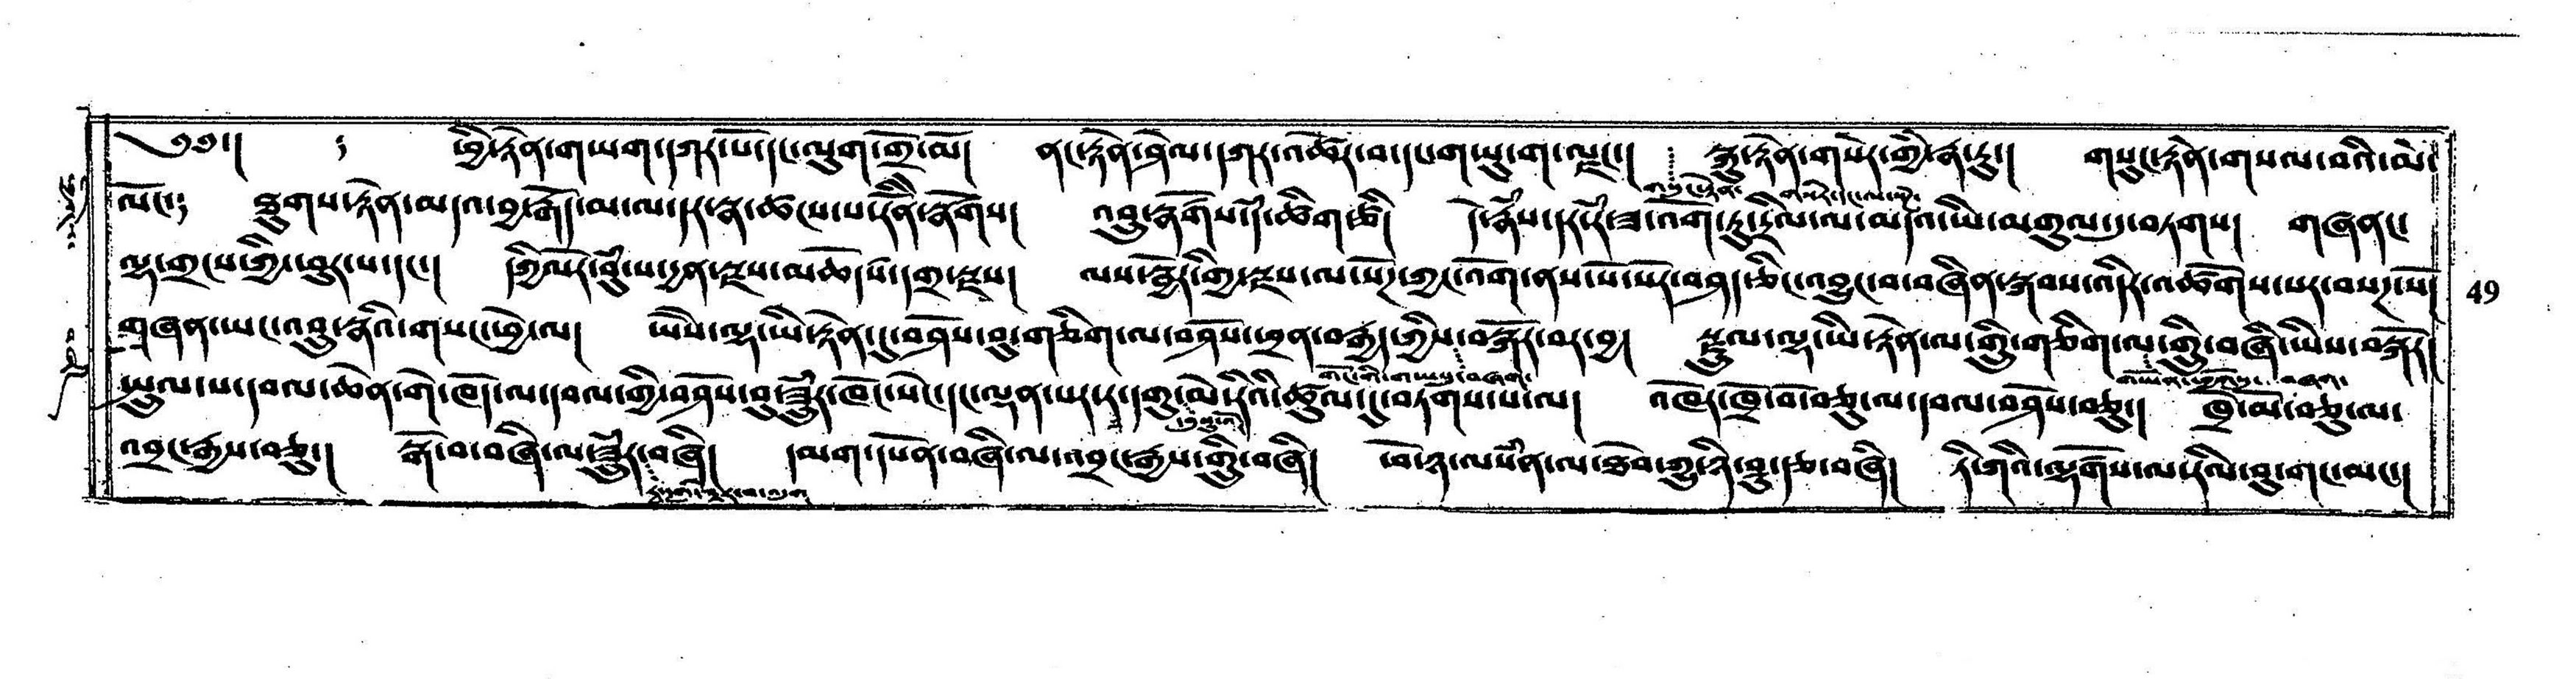ཕྱི་རྟེན་གཡག་དཀར་པོ་དང་ལུག་གྲོ་མོ། ནང་རྟེན་ཤེལ་དཀར་འཚེར་བ་དང་གཡུ་ག་ལྗང་། གསུང་རྟེན་གསེར་དང་ལ་སོགས་སྐུ་རྟེན་གསེར་གྱི་རྣ་རུ། གསུང་རྟེན་གསལ་བའི་མེ་
ལོང་། ཐུགས་རྟེན་མདའ་བྱ་རྒོད་མ་ལ་དར་སྣ་ཚངས་པ་རིན་པོ་ཆེ་སྣ་ཚོགས། འབྲུ་སྣ་ཚོགས་དམ་ཚིག་ཙི། དེ་རྣམས་དར་རམ་ཟ་འོག་ཏུ་དྲིལ་ལ་མདའ་ཡི་མགུལ་དུ་བཏགས། གཞན་ཡང་
ལྷ་གྲངས་ཀྱི་ཕུར་པ་དང་། དཀྱིལ་འཁོར་བུམ་པ་རྒྱན་རྫས་མཆོད་རྫས་དགྲ་རྫས། ལས་སྦྱོར་གྱི་རྫས་ལ་སོགས་ཀྱང་འོག་ནས་སོ་སོར་བཤད་ཅིང་འབྱུང་བ་བཞིན་སྐབས་འདིར་འཚོགས་པར་བསགས་སོ། 
གཞན་ཡང་འབྲུ་སྣའི་གསང་ཕྱེ་ལ། ཡེ་ཤེས་ལྷ་ཡི་རྟེན་དུ་བཤོས་བུ་གཅིག་ལ་བཤོས་ཕྲན་བརྒྱད་ཀྱིས་(གོང་གི་གཡས་སུ་བཞག་) བསྐོར་བར་བྱ། རྫུ་འཕྲུལ་ལྷ་ཡི་རྟེན་ལ་གྲུ་བཞི་གཅིག་ལ(གཡོན་ཕྱོགས་སུ་བཞག) གྲུ་བཞི་བཞི་ཡིས་བསྐོར། 
སྤྲུལ་པ་དབལ་ཆེན་གེ་ཁོད་ལ་དབལ་གྱི་བཤོས་བུ་ཟུར་གསུམ་ཁོང་སེང་དང་ལྡན་པར་ར་དགུ་(དབུས་སུ་འོ།) མེ་རིའི་ཚུལ་དུ་བཏགས་པ་ལ། འཁོར་ཁྲོ་བོ་བཅུ་ལ་དབལ་བཤོས་བཅུ། ཁྲོ་མོ་བཅུ་ལ་
འབྲང་རྒྱས་བཅུ། སྒོ་བ་བཞི་ལ་ཟུར་གསུམ(རྭ་དགུ་ཟེར་བ་འདུག) བཞི། དམག་དཔོན་བཞི་ལ་འབྲང་རྒྱས་གྲུ་བཞི་བཞི། ཕོ་ཉ་ལས་མཁན་ལ་ཐེབ་ཀྱུ་ཉི་ཤུ་རྩ་བཞི། རི་ཀའི་ལྷ་ཚོགས་ལ་རིལ་བུ་གང་མང་།